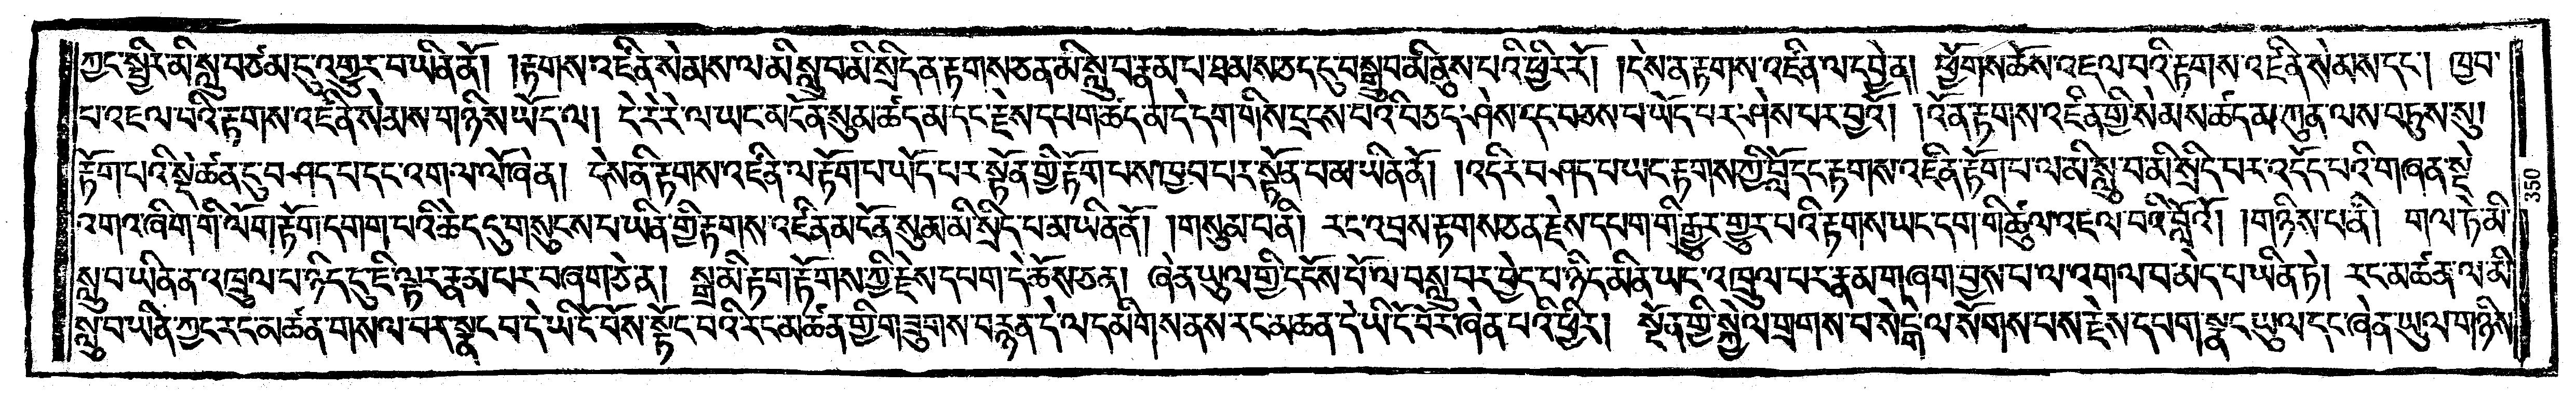ཀྱང་སྤྱིར་མི་སླུ་བ་ཙམ་དུ་འགྱུར་བ་ཡིན་ནོ། །རྟགས་འཛིན་སེམས་ལ་མི་སླུ་བ་མི་སྲིད་ན་རྟགས་ཅན་མི་སླུ་བ་རྣམ་པ་ཐམས་ཅད་དུ་བསྒྲུབ་མི་ནུས་པའི་ཕྱིར་རོ། །དེས་ན་རྟགས་འཛིན་ལ་དབྱེ་ན། ཕྱོགས་ཆོས་འཇལ་བའི་རྟགས་འཛིན་སེམས་དང་། ཁྱབ་
པ་འཇལ་བའི་རྟགས་འཛིན་སེམས་གཉིས་ཡོད་ལ། དེ་རེ་རེ་ལ་ཡང་མངོན་སུམ་ཚད་མ་དང་རྗེས་དཔག་ཚད་མ་དེ་དག་གིས་དྲངས་པའི་བཅད་ཤེས་དང་བཅས་པ་ཡོད་པར་ཤེས་པར་བྱའོ། །འོ་ན་རྟགས་འཛིན་གྱི་སེམས་ཚད་མ་ཀུན་ལས་བཏུས་སུ།
རྟོག་པའི་སྡེ་ཚན་དུ་བཤད་པ་དང་འགལ་ལོ་ཞེ་ན། དེས་ནི་རྟགས་འཛིན་ལ་རྟོག་པ་ཡོད་པར་སྟོན་གྱི་རྟོག་པས་ཁྱབ་པར་སྟོན་པ་མ་ཡིན་ནོ། །འདིར་བཤད་པ་ཡང་རྟགས་ཀྱི་བློ་དང་རྟགས་འཛིན་རྟོག་པ་ལ་མི་སླུ་བ་མི་སྲིད་པར་འདོད་པའི་གཞན་སྡེ་
འགའ་ཞིག་གི་ལོག་རྟོག་དགག་པའི་ཆེད་དུ་གསུངས་པ་ཡིན་གྱི་རྟགས་འཛིན་མངོན་སུམ་མི་སྲིད་པ་མ་ཡིན་ནོ། །གསུམ་པ་ནི། རང་འབྲས་རྟགས་ཅན་རྗེས་དཔག་གི་རྒྱུར་གྱུར་པའི་རྟགས་ཡང་དག་གི་ཚུལ་འཇལ་བའི་བློའོ། །གཉིས་པ་ནི། གལ་ཏེ་མི་
སླུ་བ་ཡིན་ན་འཁྲུལ་པ་ཉིད་དུ་ཇི་ལྟར་རྣམ་པར་བཞག་ཅེ་ན། སྒྲ་མི་རྟག་རྟོགས་ཀྱི་རྗེས་དཔག་དེ་ཆོས་ཅན། ཞེན་ཡུལ་གྱི་དངོས་པོ་ལ་བསླུ་བར་བྱེད་པ་ཉིད་མིན་ཡང་འཁྲུལ་པར་རྣམ་གཞག་བྱས་པ་ལ་འགལ་བ་མེད་པ་ཡིན་ཏེ། རང་མཚན་ལ་མི་
སླུ་བ་ཡིན་ཀྱང་རང་མཚན་གསལ་བར་སྣང་བ་དེ་ཡི་ངོ་བོས་སྟོང་པའི་རང་མཚན་གྱི་གཟུགས་བརྙན་དེ་ལ་དམིགས་ནས་རང་མཚན་དེ་ཡི་ངོ་བོར་ཞེན་པའི་ཕྱིར། སྔོན་གྱི་སྐྱེལ་གྲགས་པ་སེངྒེ་ལ་སོགས་པས་རྗེས་དཔག་སྣང་ཡུལ་དང་ཞེན་ཡུལ་གཉིས་